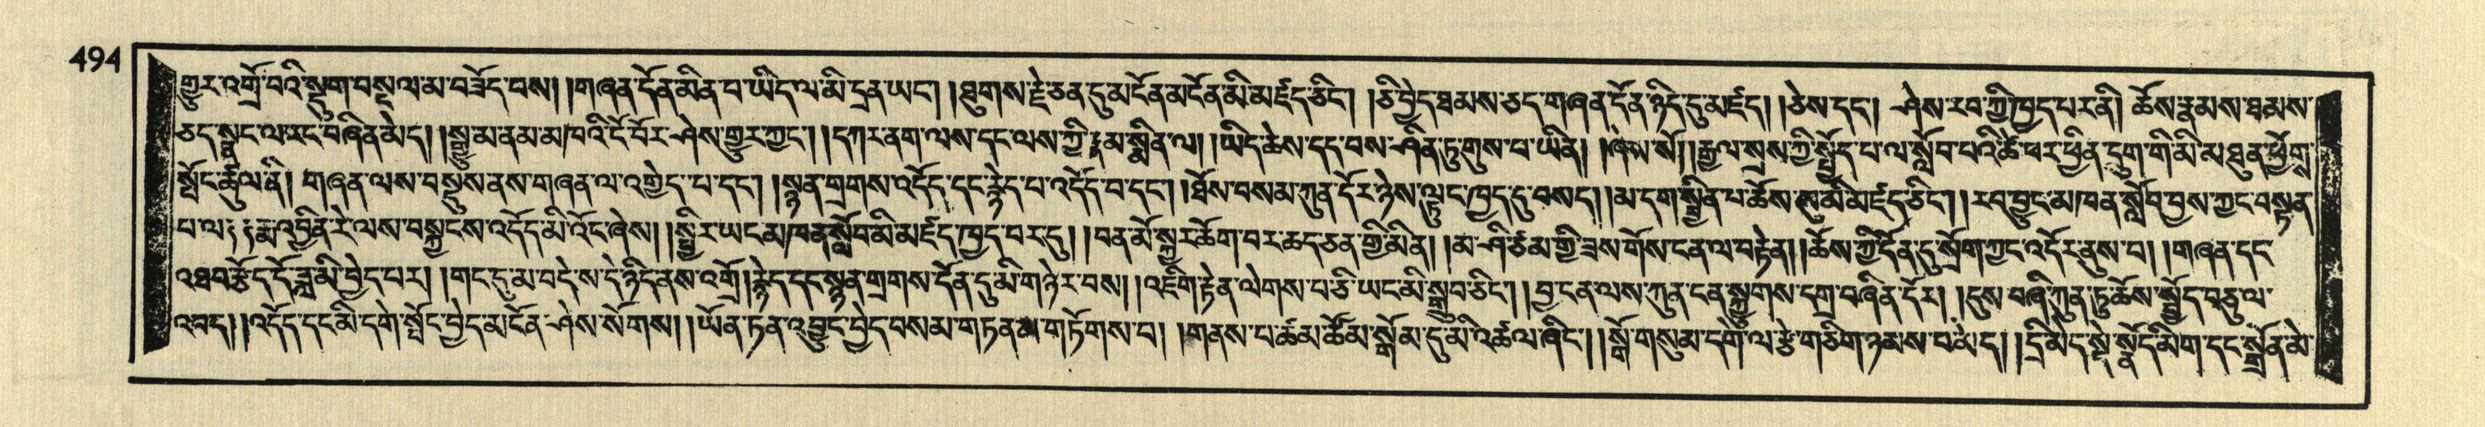གྱུར་འགྲོ་བའི་སྡུག་བསྔལ་མ་བཟོད་པས། །གཞན་དོན་མིན་པ་ཡིད་ལ་མི་དྲན་ཡང་། །ཐུགས་རྗེ་ཅན་དུ་མངོན་མངོན་མི་མཛད་ཅིང་། །ཅི་བྱེད་ཐམས་ཅད་གཞན་དོན་ཉིད་དུ་མཛད། །ཅེས་དང་། ཤེས་རབ་ཀྱི་ཁྱད་པར་ནི། ཆོས་རྣམས་ཐམས་
ཅད་སྣང་ལ་རང་བཞིན་མེད། །སྒྱུ་མ་ནམ་མཁའི་ངོ་བོར་ཤེས་གྱུར་ཀྱང་། །དཀར་ནག་ལས་དང་ལས་ཀྱི་རྣམ་སྨིན་ལ། །ཡིད་ཆེས་དད་བས་ཤིན་ཏུ་གུས་པ་ཡིན། །ཞེས་སོ། །རྒྱལ་སྲས་ཀྱི་སྤྱོད་པ་ལ་སློབ་པའི་ཚེ་ཕར་ཕྱིན་དྲུག་གི་མི་མཐུན་ཕྱོགས་
སྤོང་ཚུལ་ནི། གཞན་ལས་བསྡུས་ནས་གཞན་ལ་འགྱེད་པ་དང་། སྙན་གྲགས་འདོད་དང་རྙེད་པ་འདོད་པ་དང་། །ཐོས་བསམ་ཀུན་དོར་ཉེས་ལྟུང་ཁྱད་དུ་བསད། །མ་དག་སྦྱིན་པ་ཆོས་སུ་མི་མཛད་ཅིང་། །རབ་བྱུང་མཁན་སློབ་བྱས་ཀྱང་བསྟན་
པ་ལ༑ ༑རྨ་འབྱིན་རེ་ལས་བསྐྱངས་འདོད་མི་འོང་ཞེས། །སྤྱིར་ཡང་མཁན་སློབ་མི་མཛད་ཁྱད་པར་དུ། །བན་མོ་སྐྱར་ཆོག་བར་ཆད་ཅན་གྱི་མིན། །མ་ཤི་ཙམ་གྱི་ཟས་གོས་ངན་ལ་བརྟེན། །ཆོས་ཀྱི་དོན་དུ་སྲོག་ཀྱང་འདོར་ནུས་པ། །གཞན་དང་
འཐབ་རྩོད་དོ་ཟླ་མི་བྱེད་པར། །གང་དུ་མ་བདེ་ས་དེ་ཉིད་ནས་འགྲོ། །རྙེད་དང་སྙན་གྲགས་དོན་དུ་མི་གཉེར་བས། །འཇིག་རྟེན་ལེགས་པ་ཅི་ཡང་མི་སྒྲུབ་ཅིང་། །བྱ་ངན་ལས་ཀུན་ངན་སྐྱུགས་དགྲ་བཞིན་དོར། །དུས་བཞི་ཀུན་ཏུ་ཆོས་སྤྱོད་བཅུ་ལ་
འབད། །འདོད་དང་མི་དགེ་སྤོང་བྱེད་མངོན་ཤེས་སོགས། །ཡོན་ཏན་འབྱུང་བྱེད་བསམ་གཏན་མ་གཏོགས་པ། །གནས་པ་ཚམ་ཚོམ་སྒོམ་དུ་མི་འཚལ་ཞིང་། །སྒོ་གསུམ་དགེ་ལ་རྩེ་གཅིག་ཉམས་པ་མེད། །དྲི་མེད་སྡེ་སྣོད་མིག་དང་སྒྲོན་མེ་